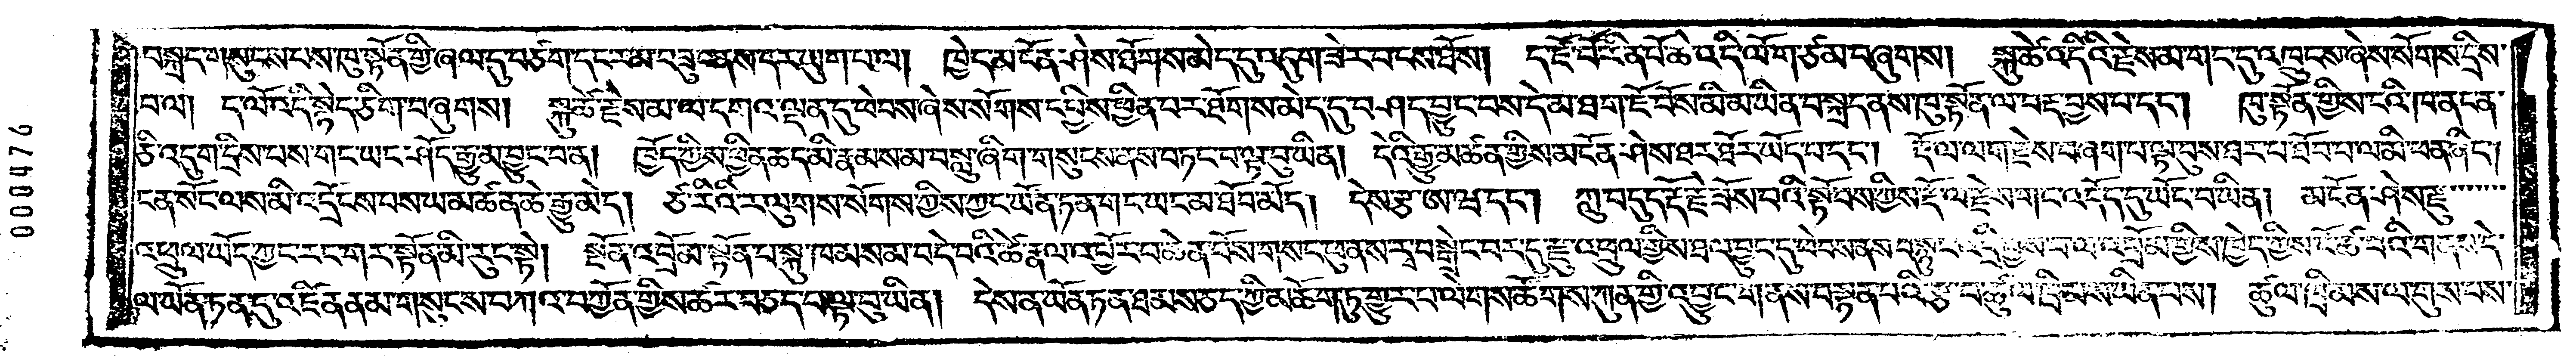བསྐྲད་གསུངས་པས་ཁུ་སྟོན་གྱི་ཞལ་དུ་བཙག་དང་རམ་བཟུང་ནས་དར་ཡུག་པ་ལ། ཁྱེད་མངོན་ཤེས་ཐོགས་མེད་དུ་འདུག་ཟེར་བ་ངས་ཐོས། ད་ཇོ་བོ་རིན་པོ་ཆེ་འདི་ལོག་ཙམ་བཞུགས། སྐུ་ཚེ་འདིའི་རྗེས་མ་གང་དུ་འཁྲུངས་ཞེས་སོགས་དྲིས་
བ་ལ། ད་ལོ་འདི་སྙེད་ཅིག་བཞུགས། སྐུ་ཚེ་རྗེས་མ་ལ་དགའ་ལྡན་དུ་ཕེབས་ཞེས་སོགས་དཔྱིས་ཕྱིན་པར་ཐོགས་མེད་དུ་བཤད་བྱུང་བས་དེ་མ་ཐག་ཇོ་བོས་མི་མ་ཡིན་བསྐྲད་ནས་ཁུ་སྟོན་ལ་བརྡ་བྱས་པ་དང་། ཁུ་སྟོན་གྱིས་ངའི་ཁ་ན་ངན་
ཅི་འདུག་དྲིས་བས་གང་ཡང་ཤོད་རྒྱུད་མ་བྱུང་བ་ན། ཁྱོད་ཀྱིས་ཕྱིན་ཆད་མི་རྣམས་མ་བསླུ་ཞིག་གསུངས་ནས་བཏང་བ་ལྟ་བུ་ཡིན། དེའི་རྒྱུ་མཚན་གྱིས་མངོན་ཤེས་ཐར་ཐོར་ཡོད་པ་དང་། རྡོ་ལ་ལག་རྗེས་བཞག་པ་ལྟ་བུས་ཐར་པ་ཐོབ་པ་ལ་མི་ཕན་ཞིང་།
ངན་སོང་ལས་མི་འདྲོངས་པས་ཡ་མཚན་ཆེ་རྒྱུ་མེད། ཙ་རིའི་ར་ལུགས་སོགས་ཀྱིས་གྱང་ཡོན་ཏན་གང་ཡང་མ་ཐོབ་མོད། དེས་རྩ་ཨ་ཝ་དང་། ཀླུ་བདུད་དང་རྡོ་རྗེ་ཟོས་པའི་སྟོབས་ཀྱིས་རྡོ་ལ་རྗེས་གང་འདོད་དུ་ཡོང་བ་ཡིན། མངོན་ཤེས་རྫ་
འཕྲུལ་ཡོད་ཀྱང་རང་གར་སྟོན་མི་རུང་སྟེ། སྔོན་འབྲོམ་སྟོན་པ་སྐུ་ཁམས་མ་བདེ་བའི་ཚེ་རྣལ་འབྱོར་པ་ཆེན་པོས་གསང་ཕུ་ནས་རྭ་བསྒྲེང་བར་དུ་རྫུ་འཕྲུལ་གྱིས་ཐལ་བྱུང་དུ་ཕེབས་ནས་བསྙུང་འདྲི་བྱས་པ་ལ་འབྲོམ་གྱིས་ཁྱེད་ཀྱིས་ངོ་ཚ་བའི་གནས་དེ་
ལ་ཡོན་ཏན་དུ་འཛིན་ནམ་གསུངས་བཀའ་བཀྱོན་གྱིས་ཚར་བཅད་པ་ལྟ་བུ་ཡིན། དེས་ན་ཡོན་ཏན་ཐམས་ཅད་ཀྱི་མཆོག་ཏུ་གྱུར་པ་ལེགས་ཚོགས་ཀུན་གྱི་འབྱུང་གནས་བསྟན་པའི་རྩ་བ་ཚུལ་ཁྲིམས་ཡིན་པས། ཚུལ་ཁྲིམས་ལ་གུས་པས་